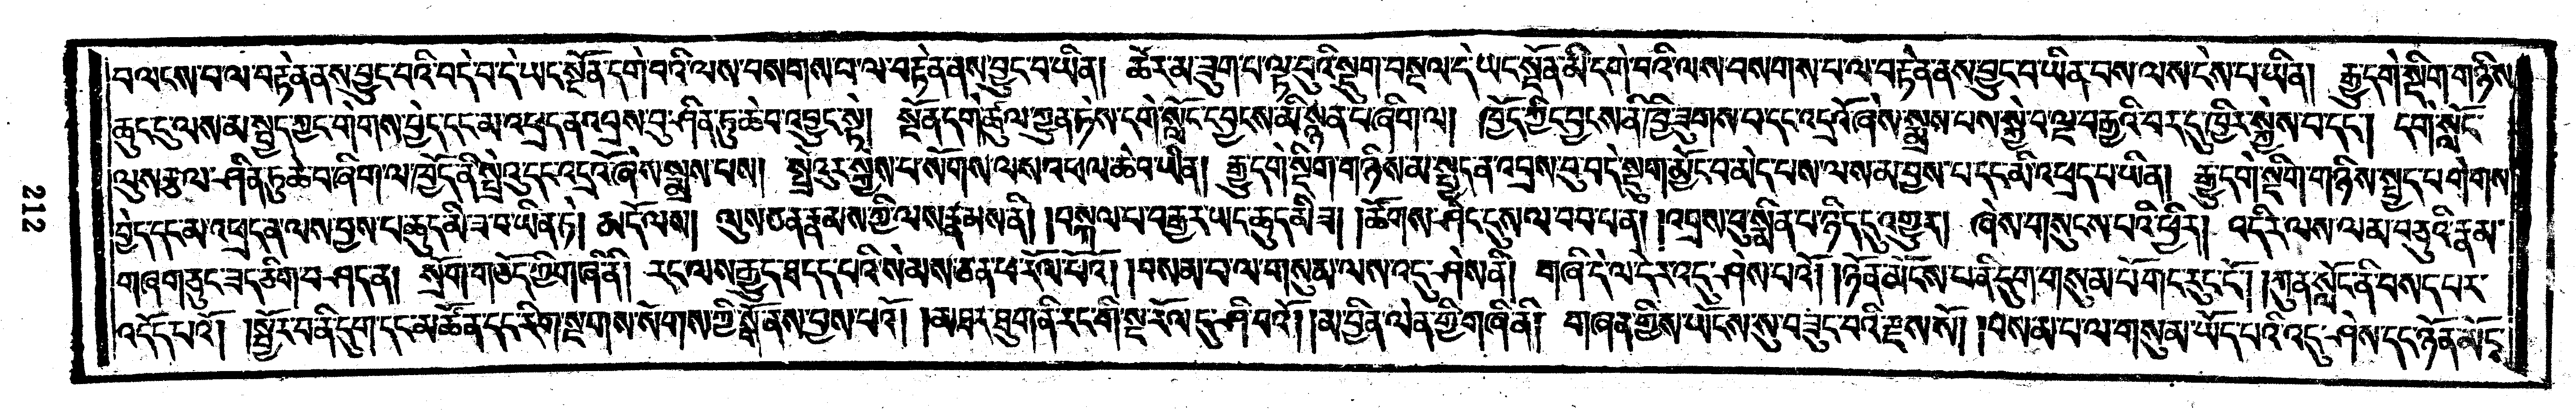བ་ལངས་པ་ལ་བརྟེན་ནས་བྱུང་བའི་བདེ་བ་དེ་ཡང་སྔོན་དགེ་བའི་ལས་བསགས་པ་ལ་བརྟེན་ནས་བྱུང་བ་ཡིན། ཚེར་མ་ཟུག་པ་ལྟ་བུའི་སྡུག་བསྔལ་དེ་ཡང་སྔོན་མི་དགེ་བའི་ལས་བསགས་པ་ལ་བརྟེན་ནས་བྱུང་བ་ཡིན་པས་ལས་ངེས་པ་ཡིན། རྒྱུ་དགེ་སྡིག་གཉིས་
ཆུང་ངུ་ལས་མ་སྤྱད་ཀྱང་གེགས་བྱེད་དང་མ་འཕྲད་ན་འབྲས་བུ་ཤིན་ཏུ་ཆེ་བ་འབྱུང་སྟེ། སྔོན་དགེ་ཚུལ་ཀུན་ཏེ་ས་དགེ་སློང་དབྱངས་མི་སྙན་པ་ཞིག་ལ། ཁྱོད་ཀྱི་དབྱངས་ནི་ཁྱི་ཟུགས་པ་དང་འདྲའོ་ཞེས་སྨྲས་པས་སྐྱེ་བ་ལྔ་བརྒྱའི་བར་དུ་ཁྱིར་སྐྱེས་པ་དང་། དགེ་སློང་
ལུས་རྩལ་ཤིན་ཏུ་ཆེ་བ་ཞིག་ལ་ཁྱོད་ནི་སྤྲེའུ་དང་འདྲའོ་ཞེས་སྨྲས་པས། སྤྲེའུ་སྐྱེས་པ་སོགས་ལས་འཕལ་ཆེ་བ་ཡིན། རྒྱུ་དགེ་སྡིག་གཉིས་མ་སྤྱད་ན་འབྲས་བུ་བདེ་སྡུག་མྱོང་བ་མེད་པས་ལས་མ་བྱས་པ་དང་མི་འཕྲད་པ་ཡིན། རྒྱུ་དགེ་སྡིག་གཉིས་སྤྱད་པ་གེགས་
བྱེད་དང་མ་འཕྲད་ན་ལས་བྱས་པ་ཆུད་མི་ཟ་བ་ཡིན་ཏེ། མདོ་ལས། ལུས་ཅན་རྣམས་ཀྱི་ལས་རྣམས་ནི། །བསྐལ་པ་བརྒྱར་ཡང་ཆུད་མི་ཟ། །ཚོགས་ཤིང་དུས་ལ་བབ་པ་ན། །འབྲས་བུ་སྨིན་པ་ཉིད་དུ་འགྱུར། ཞེས་གསུངས་པའི་ཕྱིར། འདིར་ལས་ལམ་བཅུའི་རྣམ་
གཞག་ཅུང་ཟད་ཅིག་བཤད་ན། སྲོག་གཅོད་ཀྱི་གཞི་ནི། རང་ལས་རྒྱུད་ཐ་དད་པའི་སེམས་ཅན་ཕ་རོལ་པོའོ། །བསམ་པ་ལ་གསུམ་ལས་འདུ་ཤེས་ནི། གཞི་དེ་ལ་དེར་འདུ་ཤེས་པའོ། །ཉོན་མོངས་པ་ནི་དུག་གསུམ་པོ་གང་རུང་ངོ། །ཀུན་སློང་ནི་བསད་པར་
འདོད་པའོ། །སྦྱོར་བ་ནི་དུག་དང་མཚོན་དང་རིག་སྔགས་སོགས་ཀྱི་སྒོ་ནས་བྱས་པའོ། །མཐར་ཐུག་ནི་རང་གི་སྔ་རོལ་དུ་ཤི་བའོ། །མ་བྱིན་ལེན་གྱི་གཞི་ནི། གཞན་གྱིས་ཡོངས་སུ་བཟུང་བའི་རྫས་སོ། །བསམ་པ་ལ་གསུམ་ཡོད་པའི་འདུ་ཤེས་དང་ཉོན་མོངས་